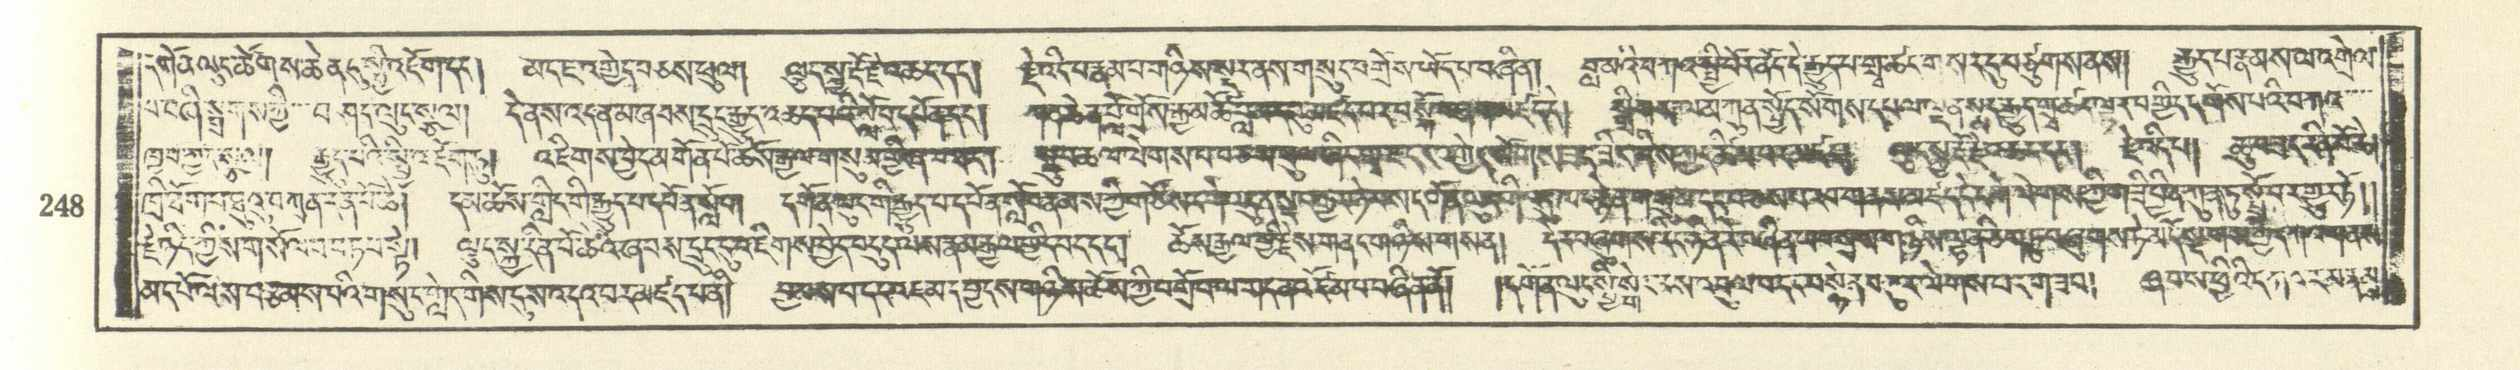དགོན་ལུང་ཚོགས་ཆེན་དུ་སྤྱི་འཇོག་དང་། མང་ཇ་འགྱེད་བཅས་ཕུལ། ལྕད་སྐྱ་རྡོ་རྗེ་འཆང་དང་། རྗེ་འདི་པ་རྣམ་པ་གཉིས་སྔར་ནས་གསུང་བགྲོས་ཡོད་པ་བཞིན། བླ་མའི་བཀའ་སྤྱི་བོར་ནོང་དེ་རྒྱུད་པ་གྲྭ་ཚང་གསར་དུ་བཙུགས་ནས། རྒྱུད་པ་རྣམས་ལ་འགྲེལ་
པ་བཞི་སྦྲགས་ཀྱི་བཤད་ལུང་སྩལ། དེ་ནས་འདན་མ་ཞབས་དྲུང་རྒྱུད་འཆད་པའི་སློབ་དཔོན་དང་། ཀན་ཆེན་བློ་གྲོས་རྒྱ་མཚོ་བླ་མ་དབུ་མཛད་པར་བསྐོ་བཞག་མཛད་དེ། སྒྲིགས་ལམ་ཀུན་སྤྱོད་སོགས་དཔལ་ལྡན་སྨད་རྒྱུད་གྲྭ་ཚད་ལྟར་བགྱིད་དགོས་པའི་བཀའ་
ཁྱབ་ཀྱང་སྩལ། རྒྱུད་པའི་སྤྱི་འཇོག་ཏུ། འཇིགས་བྱེད་མགོན་པོ་ཆོས་རྒྱལ་གསུམ་གྱི་ཞལ་ཐད། སྦུབ་ཆལ་ལེགས་པ་བཅས་ཕུལ་ཞིང་གྲྭ་ཇ་དང་འགྱེད་སོགས་ཟང་ཟིང་གིས་ཀྱང་ཚིམ་པར་མཛད། ལྕད་སྐྱ་རྡོ་རྗེ་འཆང་དང་། རྗེ་འདི་པ། ཆུ་བཟང་རིན་པོ་ཆེ།
ཁྲི་ཐོག་པ་ཐུའུ་བཀྭན་རིན་པོ་ཆེ། དམ་ཆོས་གླིང་གི་རྒྱུད་པ་དཔོན་སློབ། དགོན་ལུང་གི་རྒྱུད་པ་དཔོན་སློབ་རྣམས་ཀྱི་གཙོས་དགེ་འདུན་ལྔ་བརྒྱར་ཉེ་བས་དགོན་ལུང་གི་འདུ་ཁ་བརྟེན་གསུམ་དང་བཅས་པ་རབ་གནས་མཛད་དེ་དགེ་ལེགས་ཀྱི་གཟི་བྱིན་ཀུན་ཏུ་སྤྲོ་བར་གྱུར་ཏོ།།
རྗེ་ཉིད་ཀྱིས་གསོལ་བ་བཏབ་སྟེ། ལྕང་སྐྱ་རིན་པོ་ཆེའི་ཞབས་དྲུང་དུ་འཇིགས་བྱེད་བདུད་ལས་རྣམ་རྒྱལ་གྱི་དབང་དང་། ཆོས་རྒྱལ་གྱི་རྗེས་གནང་གཉིས་གསན། དེར་བཞུགས་རིང་ཉིན་རེ་བཞིན་ཡབ་སྲས་གཉིས་ལྷན་ཅིག་ཏུ་བཞུགས་ཏེ་མདོ་སྔགས་ཀྱི་དཀའ་གནས་
མང་པོ་ལས་བརྩམས་པའི་གསུང་གླེང་གིས་དུས་འདའ་བར་མཛད་པ་ནི། བྱམས་པ་དང་འཇམ་དབྱངས་གཉིས་ཆོས་ཀྱི་བགྲོ་བ་ལ་གདན་འཛོམ་པ་བཞིན་ནོ། །དགོན་ལུང་སྤྱི་སྒེར་ནས་འབུལ་བ་དང་བསྙེན་བཀུར་ལེགས་པར་གཟབ། ཞབས་ཕྱིའི་དཀའ་རམ་རྣམས་